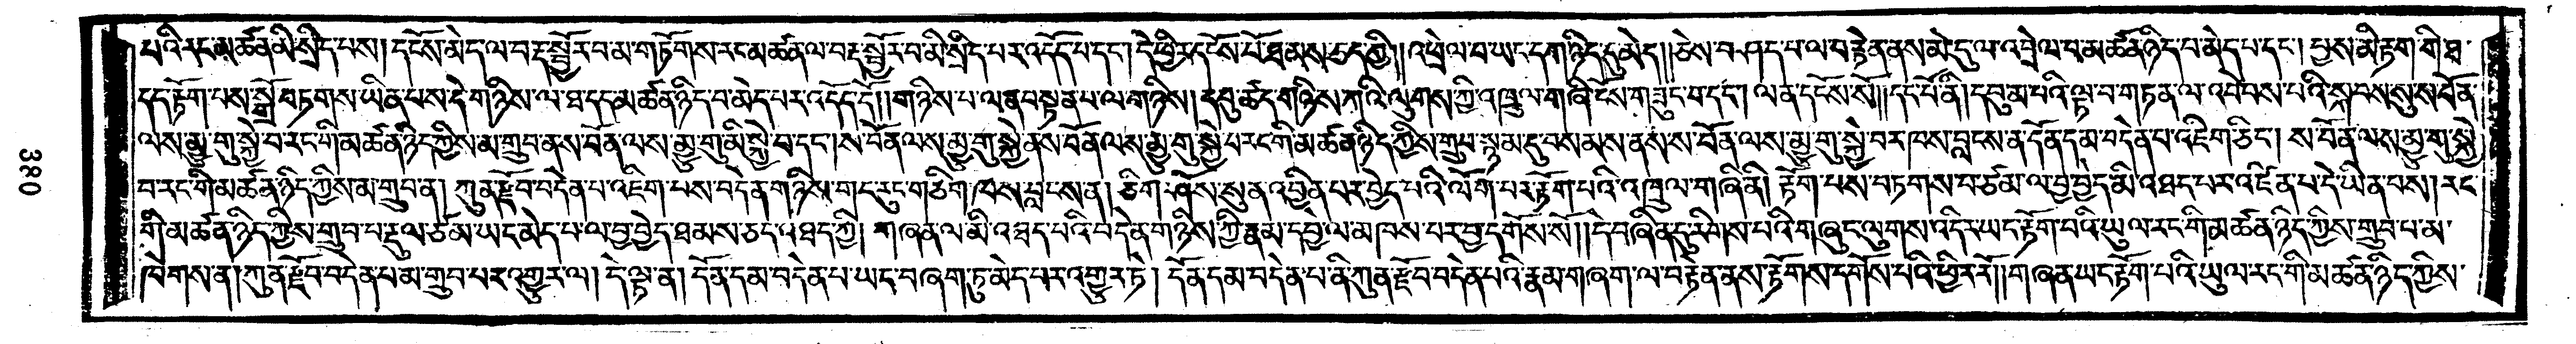པའི་རང་མཚན་མི་སྲིད་པས། དངོས་མེད་ལ་བརྡ་སྦྱོར་བ་མ་གཏོགས་རང་མཚན་ལ་བརྡ་སྦྱོར་བ་མི་སྲིད་པར་འདོད་པ་དང་། དེ་ཕྱིར་དངོས་པོ་ཐམས་ཅད་ཀྱི། །འབྲེལ་བ་ཡང་དག་ཉིད་དུ་མེད། །ཅེས་བཤད་པ་ལ་བརྟེན་ནས་མེ་དུ་ལ་འབྲེལ་བ་མཚན་ཉིད་པ་མེད་པ་དང་། བྱས་མི་རྟག་གི་ཐ་
དད་རྟོག་པས་སྒྲོ་བཏགས་ཡིན་པས་དེ་གཉིས་ལ་ཐ་དད་མཚན་ཉིད་པ་མེད་པར་འདོད་དོ། །གཉིས་པ་ལན་བསྟན་པ་ལ་གཉིས། དབུ་ཚད་གཉིས་ཀའི་ལུགས་ཀྱི་འཁྲུལ་གཞི་ངོས་གཟུང་བ་དང་། ལན་དངོས་སོ། །དང་པོ་ནི། དབུ་མ་པའི་ལྟ་བ་གཏན་ལ་འབེབས་པའི་སྐབས་སུ་ས་བོན་
ལས་མྱུ་གུ་སྐྱེ་བ་རང་གི་མཚན་ཉིད་ཀྱིས་མ་གྲུབ་ན་ས་བོན་ལས་མྱུ་གུ་མི་སྐྱེ་བ་དང་། ས་བོན་ལས་མྱུ་གུ་སྐྱེ་ན་ས་བོན་ལས་མྱུ་གུ་སྐྱེ་བ་རང་གི་མཚན་ཉིད་ཀྱིས་གྲུབ་སྙམ་དུ་བསམས་ནས་ས་བོན་ལས་མྱུ་གུ་སྐྱེ་བར་ཁས་བླངས་ན་དོན་དམ་བདེན་པ་འཇིག་ཅིང་། ས་བོན་ལས་མྱུ་གུ་སྐྱེ་
བ་རང་གི་མཚན་ཉིད་ཀྱིས་མ་གྲུབ་ན། ཀུན་རྫོབ་བདེན་པ་འཇིག་པས་བདེན་གཉིས་གང་རུང་གཅིག་ཁས་བླངས་ན། ཅིག་ཤོས་སུན་འབྱིན་པར་བྱེད་པའི་ལོག་པར་རྟོག་པའི་འཁྲུལ་གཞི་ནི། རྟོག་པས་བཏགས་པ་ཙམ་ལ་བྱ་བྱེད་མི་འཐད་པར་འཛིན་པ་དེ་ཡིན་པས། རང་
གི་མཚན་ཉིད་ཀྱིས་གྲུབ་པ་རྡུལ་ཙམ་ཡང་མེད་པ་ལ་བྱ་བྱེད་ཐམས་ཅད་འཐད་ཀྱི། གཞན་ལ་མི་འཐད་པའི་བདེན་གཉིས་ཀྱི་རྣམ་དབྱེ་ལ་མཁས་པར་བྱ་དགོས་སོ། །དེ་བཞིན་དུ་རིགས་པའི་གཞུང་ལུགས་འདིར་ཡང་རྟོག་པའི་ཡུལ་རང་གི་མཚན་ཉིད་ཀྱིས་གྲུབ་པ་མ་
ཁེགས་ན། ཀུན་རྫོབ་བདེན་པ་མ་གྲུབ་པར་འགྱུར་ལ། དེ་ལྟ་ན། དོན་དམ་བདེན་པ་ཡང་བཞག་ཏུ་མེད་པར་འགྱུར་ཏེ། དོན་དམ་བདེན་པ་ནི་ཀུན་རྫོབ་བདེན་པའི་རྣམ་གཞག་ལ་བརྟེན་ནས་རྟོགས་དགོས་པའི་ཕྱིར་རོ། །གཞན་ཡང་རྟོག་པའི་ཡུལ་རང་གི་མཚན་ཉིད་ཀྱིས་